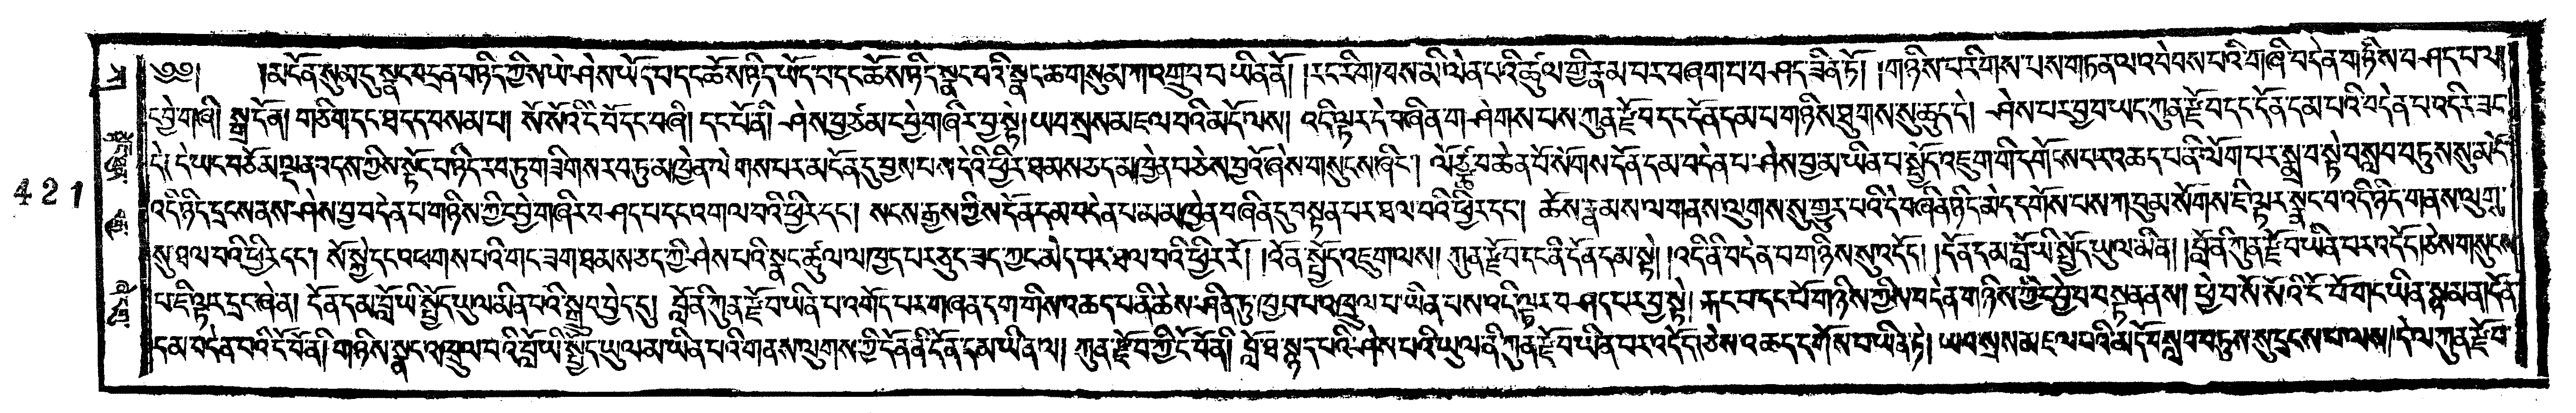༄༅། །མངོན་སུམ་དུ་སྣང་བ་དྲན་བ་ཉིད་ཀྱིས་ཡེ་ཤེས་ཡོད་བ་དང་ཆོས་ཉིད་ཡོད་པ་དང་ཆོས་ཉིད་སྣང་བའི་སྣང་ཆ་གསུམ་ཀ་འགྲུབ་པ་ཡིན་ནོ། །རང་རིག་ཁས་མི་ལེན་པའི་ཚུལ་གྱི་རྣམ་པར་བཞག་པ་བཤད་ཟིན་ཏོ། །གཉིས་པ་རིགས་པས་གཏན་ལ་འབེབས་པའི་གཞི་བདེན་གཉིས་བཤད་པ་ལ།
དབྱེ་གཞི། སྒྲ་དོན། གཅིག་དང་ཐ་དད་བསམ་པ། སོ་སོའི་ངོ་བོ་དང་བཞི། དང་པོ་ནི། ཤེས་བྱ་ཙམ་དབྱེ་གཞིར་བྱ་སྟེ། ཡབ་སྲས་མཇལ་བའི་མདོ་ལས། འདི་ལྟར་དེ་བཞིན་གཤེགས་པས་ཀུན་རྫོབ་དང་དོན་དམ་པ་གཉིས་ཐུགས་སུ་ཆུད་དེ། ཤེས་པར་བྱ་བ་ཡང་ཀུན་རྫོབ་དང་དོན་དམ་པའི་བདེན་པ་འདིར་ཟད་
དེ༑ དེ་ཡང་བཅོམ་ལྡན་འདས་ཀྱིས་སྟོང་པ་ཉིད་རབ་ཏུ་གཟིགས་རབ་ཏུ་མཁྱེན་ལེགས་པར་མངོན་དུ་བྱས་པས་དེའི་ཕྱིར་ཐམས་ཅད་མཁྱེན་བཅེས་བྱའོ་ཞེས་གསུངས་ཞིང་། ལོཙྪ་བ་ཆེན་པོ་སོགས་དོན་དམ་བདེན་པ་ཤེས་བྱ་མ་ཡིན་པ་སྤྱོད་འཇུག་གི་དགོངས་པར་འཆད་པ་ནི་ལོག་པར་སྨྲ་བ་སྟེ་བསླབ་བཏུས་སུ་མདོ་
འདི་ཉིད་དྲངས་ནས་ཤེས་བྱ་བདེན་བ་གཉིས་ཀྱི་དབྱེ་གཞིར་བཤད་པ་དང་འགལ་བའི་ཕྱིར་དང་། སངས་རྒྱས་ཀྱིས་དོན་དམ་བདེན་པ་མ་མཁྱེན་བཞིན་དུ་བསྟན་པར་ཐལ་བའི་ཕྱིར་དང་། ཆོས་རྣམས་ལ་གནས་ལུགས་སུ་གྱུར་པའི་དེ་བཞིན་ཉིད་མེད་དགོས་པས་ཀ་བུམ་སོགས་ཇི་ལྟར་སྣང་བ་འདི་ཉིད་གནས་ལུགས་
སུ་ཐལ་བའི་ཕྱིར་དང་། སོ་སྐྱེ་དང་འཕགས་པའི་གང་ཟག་ཐམས་ཅད་ཀྱི་ཤེས་པའི་སྣང་ཚུལ་ལ་ཁྱད་པར་ཅུང་ཟད་ཀྱང་མེད་པར་ཐལ་བའི་ཕྱིར་རོ། །འོན་སྤྱོད་འཇུག་ལས། ཀུན་རྫོབ་དང་ནི་དོན་དམ་སྟེ། །འདི་ནི་བདེན་བ་གཉིས་སུ་འདོད། །དོན་དམ་བློ་ཡི་སྤྱོད་ཡུལ་མིན། །བློ་ནི་ཀུན་རྫོབ་ཡིན་པར་འདོད་།ཅེས་གསུངས་
པ་ཇི་ལྟར་དྲང་ཞེ་ན། དོན་དམ་བློ་ཡི་སྤྱོད་ཡུལ་མིན་པའི་སྒྲུབ་བྱེད་དུ། བློ་ནི་ཀུན་རྫོབ་ཡིན་པ་འགོད་པར་གཞན་དག་གིས་འཆད་པ་ནི་ཆོས་ཤིན་ཏུ་ཁྱབ་པ་འཁྲུལ་བ་ཡིན་པས་འདི་ལྟར་བཤད་པར་བྱ་སྟེ། རྐང་པ་དང་པོ་གཉིས་ཀྱིས་བདེན་གཉིས་ཀྱི་དབྱེ་བ་བསྟན་ནས། ཕྱེ་བ་སོ་སོའི་ངོ་བོ་གང་ཡིན་སྙམ་ན། དོན་
དམ་བདེན་པའི་ངོ་བོ་ནི། གཉིས་སྣང་འཁྲུལ་བའི་བློ་ཡི་སྤྱོད་ཡུལ་མ་ཡིན་པའི་གནས་ལུགས་ཀྱི་དོན་ནི་དོན་དམ་ཡིན་ལ། ཀུན་རྫོབ་ཀྱི་ངོ་བོ་ནི། བློ་ཐ་སྙད་པའི་ཤེས་བའི་ཡུལ་ནི་ཀུན་རྫོབ་ཡིན་པར་འདོད། ཅེས་འཆད་དགོས་པ་ཡིན་ཏེ། ཡབ་སྲས་མཇལ་བའི་མདོ་བསླབ་བཏུས་སུ་དྲངས་པ་ལས། དེ་ལ་ཀུན་རྫོབ་